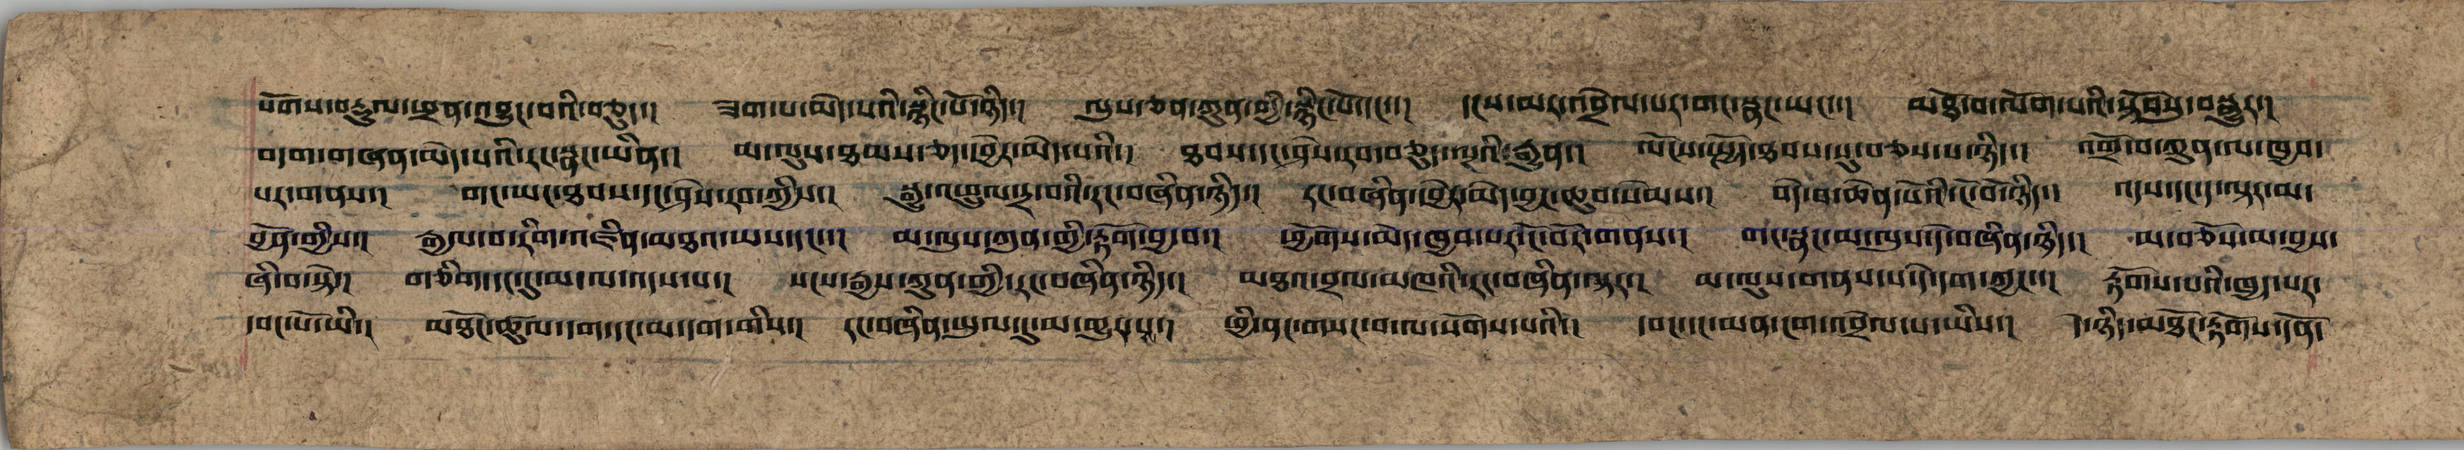སོགས་བརྡུལ་ཕྲན་འབྱུང་བའི་བཅུད་། ཟག་པ་མེད་པའི་སྙིང་པོ་ཉིད་། ལུས་ཅན་ཀུན་གྱི་སྙིང་པོ་དང་་། དངས་མར་འབྲེལ་པར་གང་སྣང་ཡང་་། མཐོ་བ་ལོག་པའི་སྟོབསུ་བསྒྱུར་།
བདག་གཞན་མེད་པའི་རང་སྣང་ཡིན་། མ་ལུས་ཐམས་ཅད་དབྱེར་མེད་པའི་། ཐབས་དང་ཤེས་རབ་བཅུད་ལྔའི་རྒྱུན་། ལོངས་སྤྱོད་ཐབས་སུ་བཅས་པ་ཉིད་། འགྲོ་བ་ཀུན་ལ་ཁྱབ་
པར་གནས་། གང་ཡང་ཐབས་དང་ཤེས་རབ་ཀྱིས་། སྒྱུ་འཕྲུལ་དྲ་བའི་རང་བཞིན་ཉིད་། རང་བཞིན་དབྱེར་མེད་བྱང་ཆུབ་སེམས་། བདེ་བ་ཆེན་པོའི་ངོ་བོ་ཉིད་། འདས་དང་ད་ལྟར་མ་
བྱོན་གྱིས་། རྒྱལ་བ་རིག་འཛིན་མཐའ་ཡས་དང་་། མ་ལུས་ཀུན་གྱི་རྟོག་བྱ་བ་། ཕྱོགས་མེད་ཁྱབ་པར་ངོ་བོར་གནས་། གང་སྣང་མ་ལུས་དེ་བཞིན་ཉིད་། མ་བཅོས་མ་བྱས་
ཞི་བ་སྟེ་། གཅིག་དང་དུ་མ་ལ་འདས་པ་། སངས་རྒྱས་ཀུན་གྱི་རང་བཞིན་ཉིད་། མཐའ་བྲལ་མཁའི་རང་བཞིན་ལྟར་། མ་ལུས་གནས་པ་དེ་དག་ཀྱང་་། རྟོགས་པའི་ཁྱད་པར་
དབང་པོ་ཡི་། མཐོང་ཚུལ་དག་དང་མ་དག་གིས་། རང་བཞིན་ཡུལ་དུ་མ་གྱུར་པས་། ཕྱི་ནང་གསང་བ་ལ་སོགས་པའི་། དབང་དང་མན་ངག་འབྲེལ་པ་ཡིས་། དེ་ཉིད་མཐོང་རྟོགས་དོན་